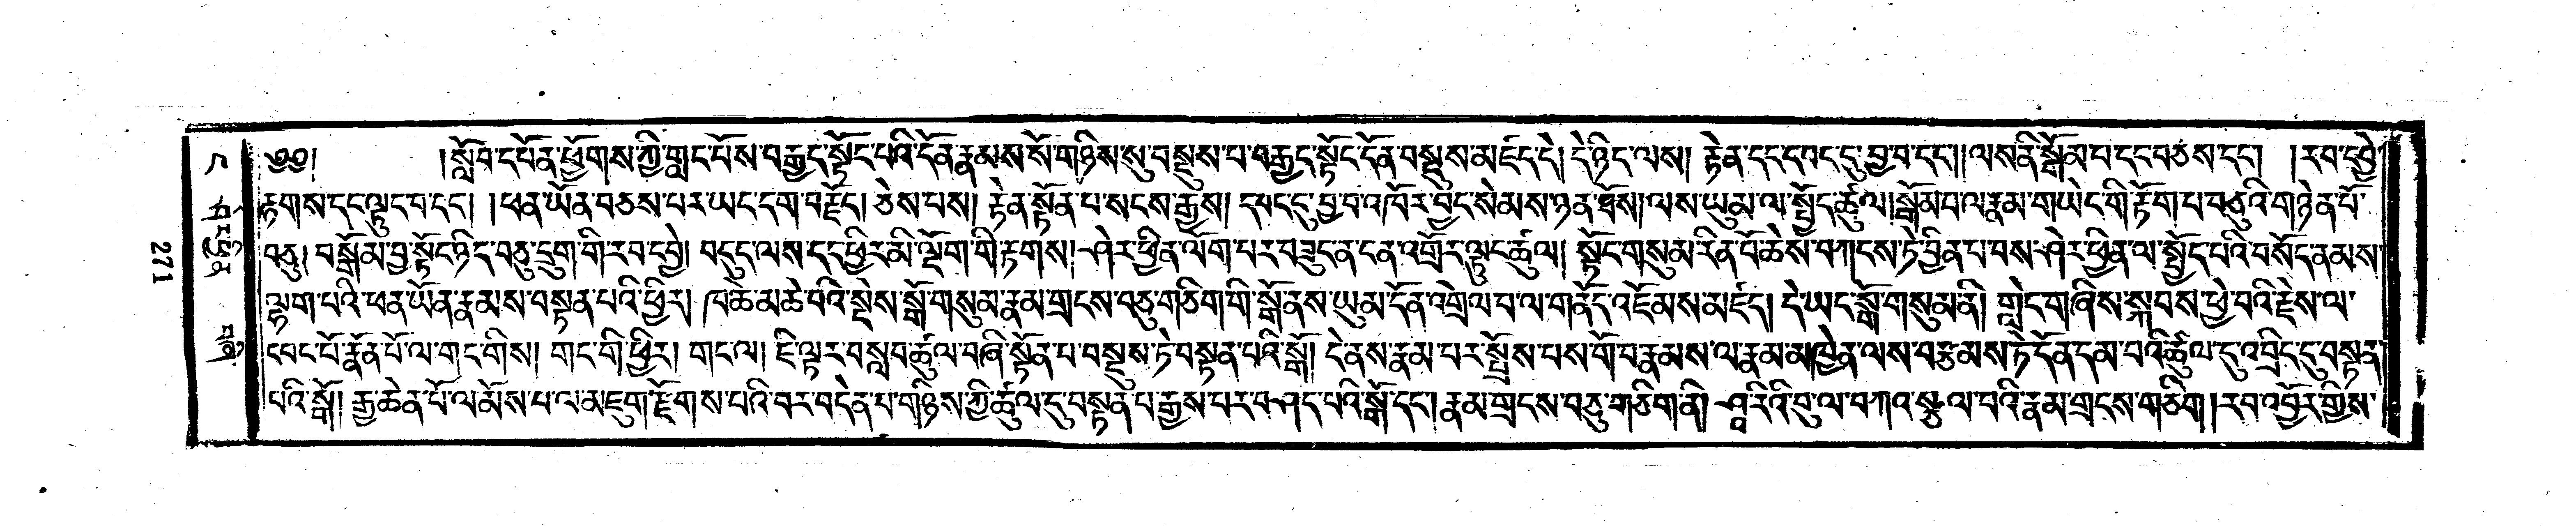༄༅། །སློབ་དཔོན་ཕྱོགས་ཀྱི་གླང་པོས་བརྒྱད་སྟོང་པའི་དོན་རྣམས་སོ་གཉིས་སུ་བསྡུས་པ་བརྒྱད་སྟོང་དོན་བསྡུས་མཛད་དེ། དེ་ཉིད་ལས། རྟེན་དང་དབང་དུ་བྱ་བ་དང་། །ལས་ནི་སྒོམ་པ་དང་བཅས་དང་། །རབ་དབྱེ་
རྟགས་དང་ལྟུང་བ་དང་། །ཕན་ཡོན་བཅས་པར་ཡང་དག་བརྗོད། ཅེས་པས། རྟེན་སྟོན་པ་སངས་རྒྱས། དབང་དུ་བྱ་བ་འཁོར་བྱང་སེམས་ཉན་ཐོས། ལས་ཡུམ་ལ་སྤྱོད་ཚུལ། སྒོམ་པ་ལ་རྣམ་གཡེང་གི་རྟོག་པ་བཅུའི་གཉེན་པོ་
བཅུ༑ བསྒོམ་བྱ་སྟོང་ཉིད་བཅུ་དྲུག་གི་རབ་དབྱེ། བདུད་ལས་དད་ཕྱིར་མི་ལྡོག་གི་རྟགས། ཤེར་ཕྱིན་ལོག་པར་བཟུང་ན་ངན་འགྲོར་ལྟུང་ཚུལ། སྟོང་གསུམ་རིན་པོ་ཆེས་བཀངས་ཏེ་བྱིན་པ་བས་ཤེར་ཕྱིན་ལ་སྤྱོད་པའི་བསོད་ནམས་
ལྷག་པའི་ཕན་ཡོན་རྣམས་བསྟན་པའི་ཕྱིར། ཁ་ཆེ་མཆེ་བའི་སྡེས་སྒོ་གསུམ་རྣམ་གྲངས་བཅུ་གཅིག་གི་སྒོ་ནས་ཡུམ་དོན་འགྲེལ་པ་ལ་གནོད་འཇོམས་མཛད། དེ་ཡང་སྒོ་གསུམ་ནི། གླེང་གཞིས་སྐབས་ཕྱེ་བའི་རྗེས་ལ་
དབང་པོ་རྣོན་པོ་ལ་གང་གིས། གང་གི་ཕྱིར། གོང་ལ། ཇི་ལྟར་བསླབ་ཚུལ་བཞི་སྟོན་པ་བསྡུས་ཏེ་བསྟན་པའི་སྒོ། དེ་ནས་རྣམ་པར་སྤྲོས་པས་གོ་བ་རྣམས་ལ་རྣམ་མཁྱེན་ལས་བརྩམས་ཏེ་དོན་དམ་པའི་ཚུལ་དུ་འབྲིང་དུ་བསྟན་
པའི་སྒོ། རྒྱ་ཆེན་པོ་ལ་མོས་པ་ལ་མཇུག་རྫོགས་པའི་བར་བདེན་པ་གཉིས་ཀྱི་ཚུལ་དུ་བསྟན་པ་རྒྱས་པར་བཤད་པའི་སྒོ་དང་། རྣམ་གྲངས་བཅུ་གཅིག་ནི། ཤཱ་རིའི་བུ་ལ་བཀའ་སྩལ་བའི་རྣམ་གྲངས་གཅིག །རབ་འབྱོར་གྱིས་